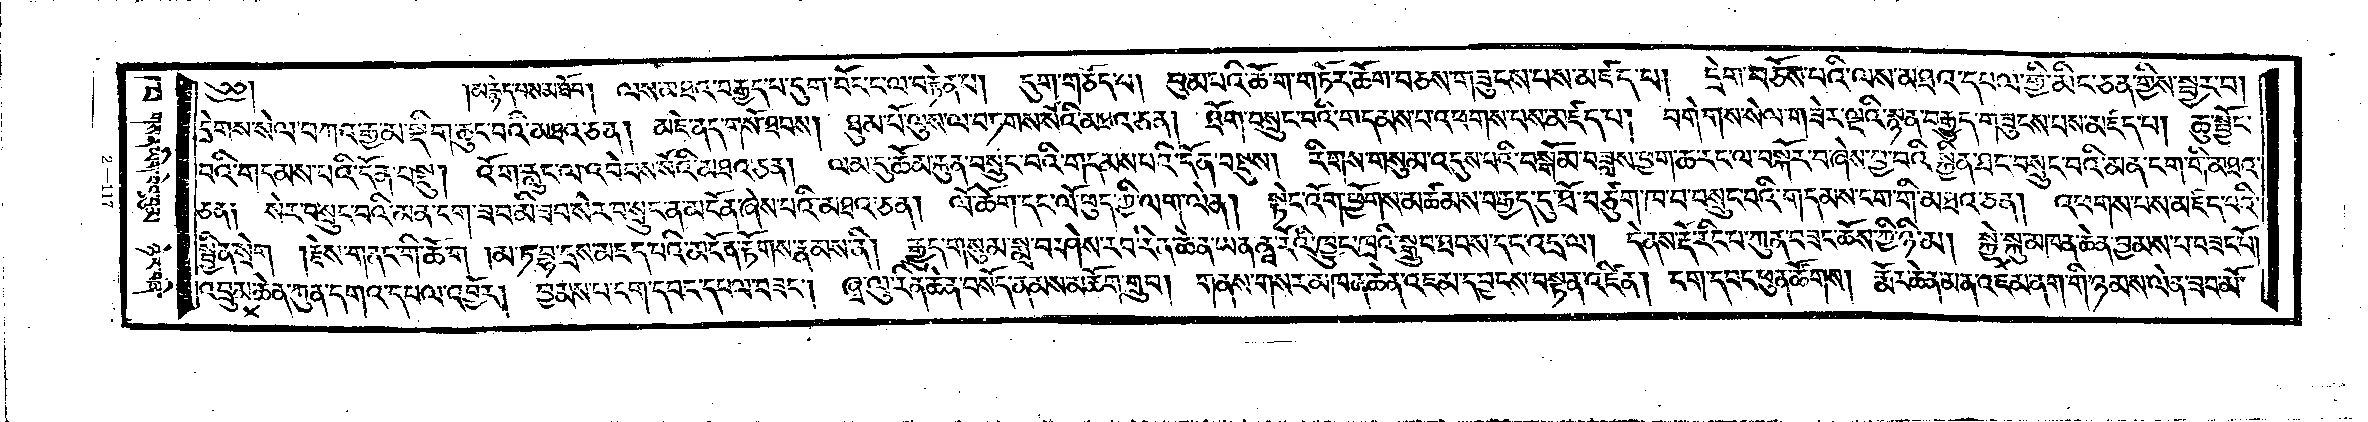༄༅། །མ་རྙེད་པས་མ་ཐོབ།  ལས་མཐའ་བརྒྱད་པ་དུག་བོང་པ་ལ་བརྟེན་པ། དུག་གཅོད་པ། བུམ་པའི་ཆོ་ག་གཏོར་ཆོག་བཅས་གཟུངས་པས་མཛད་པ། དྲེག་བཅོས་པའི་ལས་མཐའ་དཔལ་གྱི་མིང་ཅན་གྱིས་སྦྱར་བ།
དྲེགས་སེལ་བཀའ་རྒྱ་མ་སྡིག་ཆུང་བའི་མཐའ་ཅན། མཇེ་ནད་གསོ་ཐབས། ཐུམ་པོ་ལུས་ལ་བཏགས་སོའི་མཐའ་ཅན། ཐོག་བསྲུང་པའི་གདམས་པ་འཕགས་པས་མཛད་པ། བགེགས་སེལ་གཟེར་ལྔའི་སྙན་བརྒྱུད་གཟུངས་པས་མཛད་པ། ཆུ་སྦྱོང་
བའི་གདམས་པའི་དོན་བསྡུ། འོག་རླུང་ལ་འབེབས་སོའི་མཐའ་ཅན། ལམ་དུ་ཆོམ་རྐུན་བསྲུང་པའི་གདམས་པའི་དོན་བསྡུས། རིགས་གསུམ་འདུས་པའི་བསྒོམ་བཟླས་ཕྱག་ཆ་རང་ལ་བསྐོར་བ་ཞེས་བྱ་བའི་སྐྱིན་ཐང་བསྲུང་བའི་མན་ངག་གི་མཐའ་
ཅན། སེར་བསྲུང་བའི་མན་ངག་ཟབ་མི་ཟབ་སེར་བསྲུང་ན་མངོན་ཞེས་པའི་མཐའ་ཅན། ལོ་ཚེག་དང་ལོ་ཕུད་ཀྱི་ལག་ལེན། སྟེང་འོག་ཕྱོགས་མཚམས་བརྒྱད་དུ་ཐོ་བཙུག་ཁ་བ་བསྲུང་པའི་གདམས་ངག་གི་མཐའ་ཅན། འཕགས་པས་མཛད་པའི་
སྦྱིན་སྲེག །རྗེས་གནང་གི་ཆོ་ག །མ་ཏ་བྷ་དྲས་མཛད་པའི་མངོན་རྟོགས་རྣམས་ནི། རྒྱུད་གསུམ་སྨྲ་བ་ཤེས་རབ་རིན་ཆེན་ཡན་ནཱ་རོའི་ཁྱུང་ཁྲའི་སྒྲུབ་ཐབས་དང་འདྲ་ལ། དེ་ནས་རྡོ་རིང་བ་ཀུན་བཟང་ཆོས་ཀྱི་ཉི་མ། སྐྱེ་སྐུ་མཁན་ཆེན་བྱམས་པ་བཟང་པོ།
འབྲུམ་ཆེན་ཀུན་དགའ་དཔལ་འབྱོར། བྱམས་པ་ངག་དབང་དཔལ་བཟང་། ཞྭ་ལུ་རིན་ཆེན་བསོད་ནམས་མཆོག་གྲུབ། གནས་གསར་མཁན་ཆེན་འཇམ་དབྱངས་བསྟན་འཛིན། ངག་དབང་ཕུན་ཚོགས། རྨོར་ཆེན་མན་འཇམ་ནག་གི་ཉམས་ལེན་ཟབ་མོ་